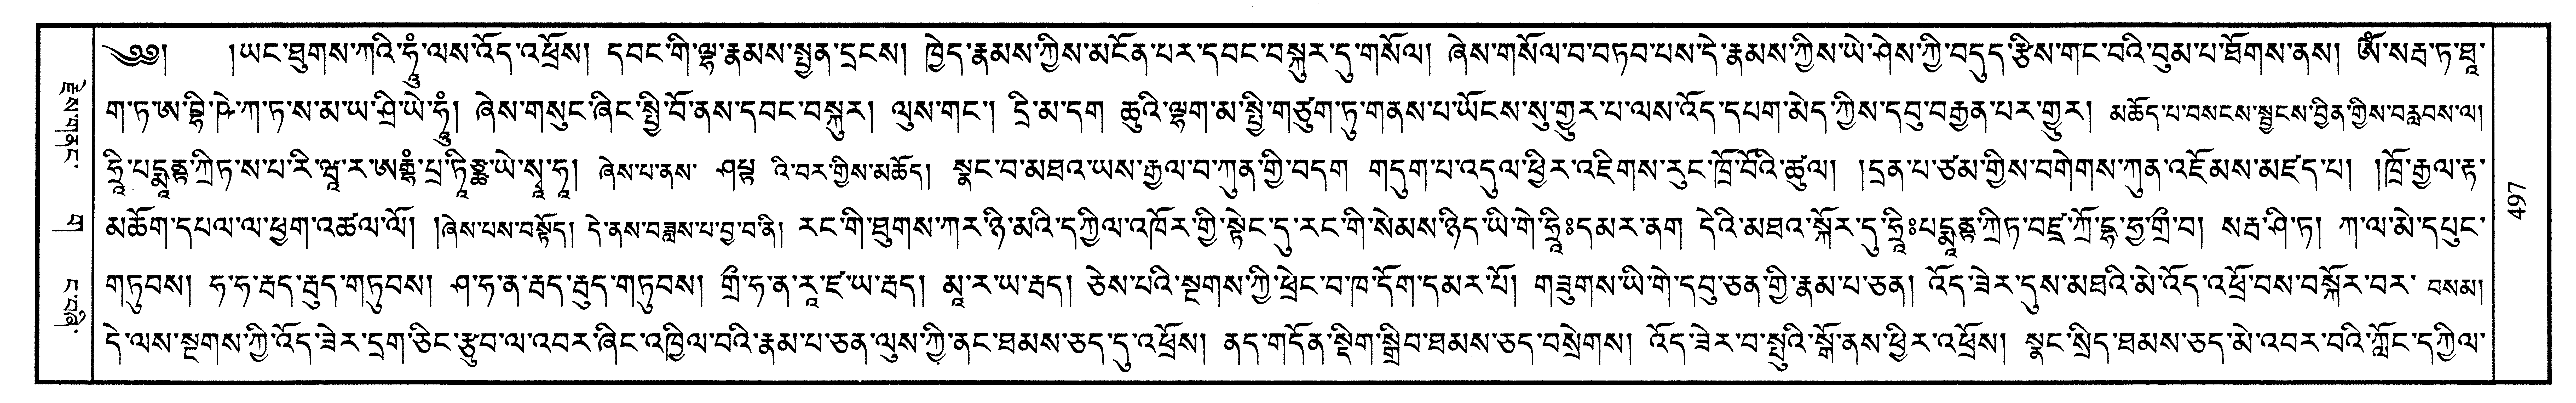༄༅། །ཡང་ཐུགས་ཀའི་ཧཱུཾ་ལས་འོད་འཕྲོས། དབང་གི་ལྷ་རྣམས་སྤྱན་དྲངས། ཁྱེད་རྣམས་ཀྱིས་མངོན་པར་དབང་བསྐུར་དུ་གསོལ། ཞེས་གསོལ་བ་བཏབ་པས་དེ་རྣམས་ཀྱིས་ཡེ་ཤེས་ཀྱི་བདུད་རྩིས་གང་བའི་བུམ་པ་ཐོགས་ནས། ཨོཾ་སརྦ་ཏ་ཐཱ་
ག་ཏ་ཨ་བྷི་ཥེ་ཀ་ཏ་ས་མ་ཡ་ཤྲི་ཡེ་ཧཱུཾ། ཞེས་གསུང་ཞིང་སྤྱི་བོ་ནས་དབང་བསྐུར། ལུས་གང་། དྲི་མ་དག་ཆུའི་ལྷག་མ་སྤྱི་གཙུག་ཏུ་གནས་པ་ཡོངས་སུ་གྱུར་པ་ལས་འོད་དཔག་མེད་ཀྱིས་དབུ་བརྒྱན་པར་གྱུར། མཆོད་པ་བསངས་སྦྱངས་བྱིན་གྱིས་བརླབས་ལ།
ཧྲཱི་པདམཱནྟ་ཀྲིཏ་ས་པ་རི་ཝཱ་ར་ཨརྒྷཾ་པྲ་ཏཱིཙྪ་ཡེ་སྭཱ་ཧཱ། ཞེས་པ་ནས་ཤཔྟ་འི་བར་གྱིས་མཆོད། སྣང་བ་མཐའ་ཡས་རྒྱལ་བ་ཀུན་གྱི་བདག་གདུག་པ་འདུལ་ཕྱིར་འཇིགས་རུང་ཁྲོ་བོའི་ཚུལ། །དྲན་པ་ཙམ་གྱིས་བགེགས་ཀུན་འཇོམས་མཛད་པ། །ཁྲོ་རྒྱལ་རྟ་
མཆོག་དཔལ་ལ་ཕྱག་འཚལ་ལོ། །ཞེས་པས་བསྟོད། དེ་ནས་བཟླས་པ་བྱ་བ་ནི། རང་གི་ཐུགས་ཀར་ཉི་མའི་དཀྱིལ་འཁོར་གྱི་སྟེང་དུ་རང་གི་སེམས་ཉིད་ཡི་གེ་ཧྲཱིཿ དམར་ནག་དེའི་མཐའ་སྐོར་དུ་ཧྲཱིཿ པདམཱནྟ་ཀྲིཏ་བཛྲ་ཀྲོ་དྷ་ཧྱ་གྲྀ་བ། སརྦ་ཤི་ཏ། ཀ་ལ་མེ་དཔུང་
གཏུབས། ཧ་ཧ་རྦད་རྦུད་གཏུབས། ཤ་ཧ་ན་རྦད་གཏུབས། གྲྀ་ཧ་ན་རཱ་ཛ་ཡ་རྦད། མཱ་ར་ཡ་རྦད། ཅེས་པའི་སྔགས་ཀྱི་ཕྲེང་བ་ཁ་དོག་དམར་པོ། གཟུགས་ཡི་གེ་དབུ་ཅན་གྱི་རྣམ་པ་ཅན། འོད་ཟེར་དུས་མཐའི་མེ་འོད་འཕྲོ་བས་བསྐོར་བར་བསམ།
དེ་ལས་སྔགས་ཀྱི་འོད་ཟེར་དྲག་ཅིང་རྩུབ་ལ་འབར་ཞིང་འཁྱིལ་བའི་རྣམ་པ་ཅན་ལུས་ཀྱི་ནང་ཐམས་ཅད་དུ་འཕྲོས། ནད་གདོན་སྡིག་སྒྲིབ་ཐམས་ཅད་བསྲེགས། འོད་ཟེར་བ་སྤུའི་སྒོ་ནས་ཕྱིར་འཕྲོས། སྣང་སྲིད་ཐམས་ཅད་མེ་འབར་བའི་ཀློང་དཀྱིལ་